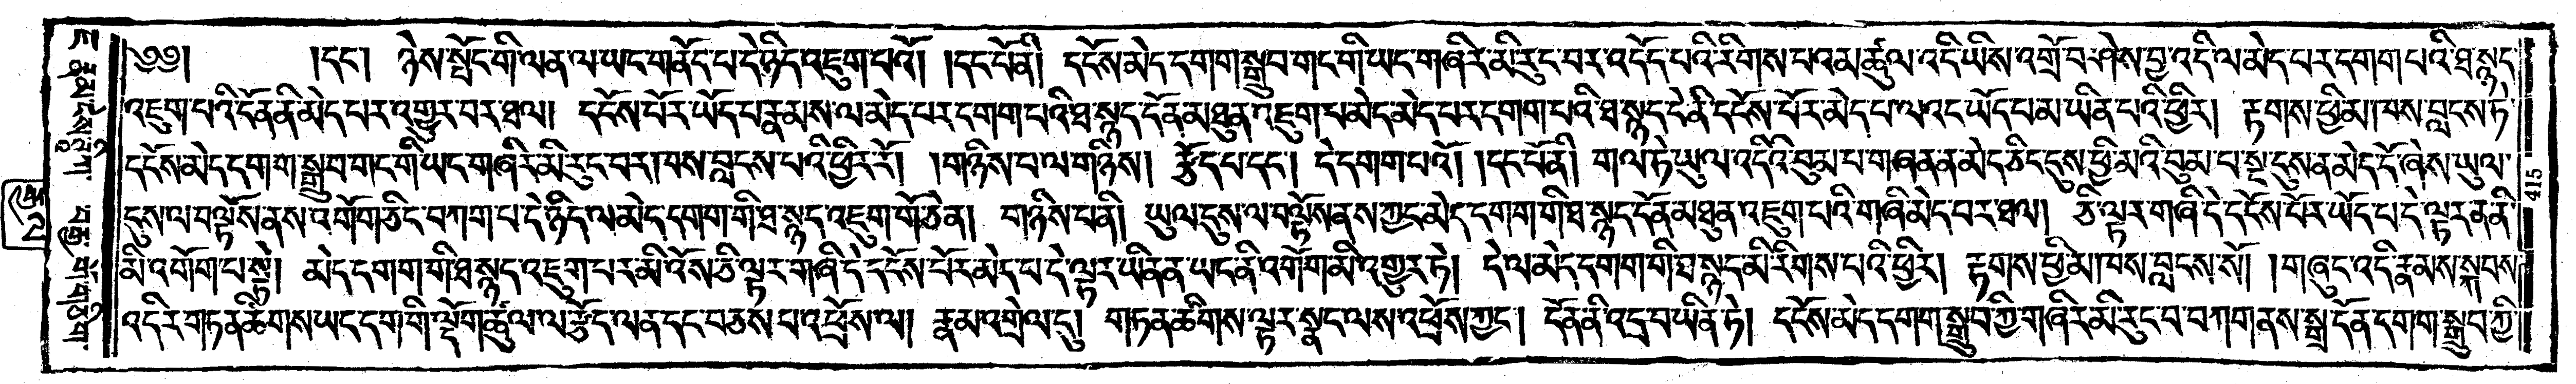༄༅། །དང་། ཉེས་སྤོང་གི་ལན་ལ་ཡང་གནོད་པ་དེ་ཉིད་འཇུག་པའོ། །དང་པོ་ནི། དངོས་མེད་དགག་སྒྲུབ་གང་གི་ཡང་གཞིར་མི་རུང་བར་འདོད་པའི་རིགས་པའམ་ཚུལ་འདི་ཡིས་འགྲོ་བ་ཤེས་བྱ་འདི་ལ་མེད་པར་དགག་པའི་ཐ་སྙད་
འཇུག་པའི་དོན་ནི་མེད་པར་འགྱུར་བར་ཐལ། དངོས་པོར་ཡོད་པ་རྣམས་ལ་མེད་པར་དགག་པའི་ཐ་སྙད་དོན་མཐུན་འཇུག་པ་མེད་པར་དགག་པའི་ཐ་སྙད་དེ་ནི་དངོས་པོར་མེད་པ་ལའང་ཡོད་པ་མ་ཡིན་པའི་ཕྱིར། རྟགས་ཕྱི་མ་ཁས་བླངས་ཏེ་
དངོས་མེད་དགག་སྒྲུབ་གང་གི་ཡང་གཞིར་མི་རུང་བར་ཁས་བླངས་པའི་ཕྱིར་རོ། །གཉིས་པ་ལ་གཉིས། རྩོད་པ་དང་། དེ་དགག་པའོ། །དང་པོ་ནི། གལ་ཏེ་ཡུལ་འདིའི་བུམ་པ་གཞན་ན་མེད་ཅིང་དུས་ཕྱི་མའི་བུམ་པ་སྔ་དུས་ན་མེད་དོ་ཞེས་ཡུལ་
དུས་ལ་བལྟོས་ནས་འགོག་ཅིང་བཀག་པ་དེ་ཉིད་ལ་མེད་དགག་གི་ཐ་སྙད་འཇུག་གོ་ཅེ་ན། གཉིས་པ་ནི། ཡུལ་དུས་ལ་བལྟོས་ནས་ཀྱང་མེད་དགག་གི་ཐ་སྙད་དོན་མཐུན་འཇུག་པའི་གཞི་མེད་པར་ཐལ། ཅི་ལྟར་གཞི་དེ་དངོས་པོར་ཡོད་པ་དེ་ལྟར་ན་ནི་
མི་འགོག་པ་སྟེ། མེད་དགག་གི་ཐ་སྙད་འཇུག་པར་མི་འོས་ཅི་ལྟར་གཞི་དེ་དངོས་པོར་མེད་པ་དེ་ལྟར་ཡིན་ན་ཡང་ནི་འགོག་མི་འགྱུར་ཏེ། དེ་ལ་མེད་དགག་གི་ཐ་སྙད་མི་རིགས་པའི་ཕྱིར། རྟགས་ཕྱི་མ་ཁས་བླངས་སོ། །གཞུང་འདི་རྣམས་སྐབས་
འདིར་གཏན་ཚིགས་ཡང་དག་གི་ལྡོག་ཚུལ་ལ་རྩོད་ལན་དང་བཅས་པ་འཕྲོས་ལ། རྣམ་འགྲེལ་དུ། གཏན་ཚིགས་ལྟར་སྣང་ལས་འཕྲོས་ཀྱང་། དོན་ནི་འདྲ་བ་ཡིན་ཏེ། དངོས་མེད་དགག་སྒྲུབ་ཀྱི་གཞིར་མི་རུང་བ་བཀག་ནས་སྒྲ་དོན་དགག་སྒྲུབ་ཀྱི་